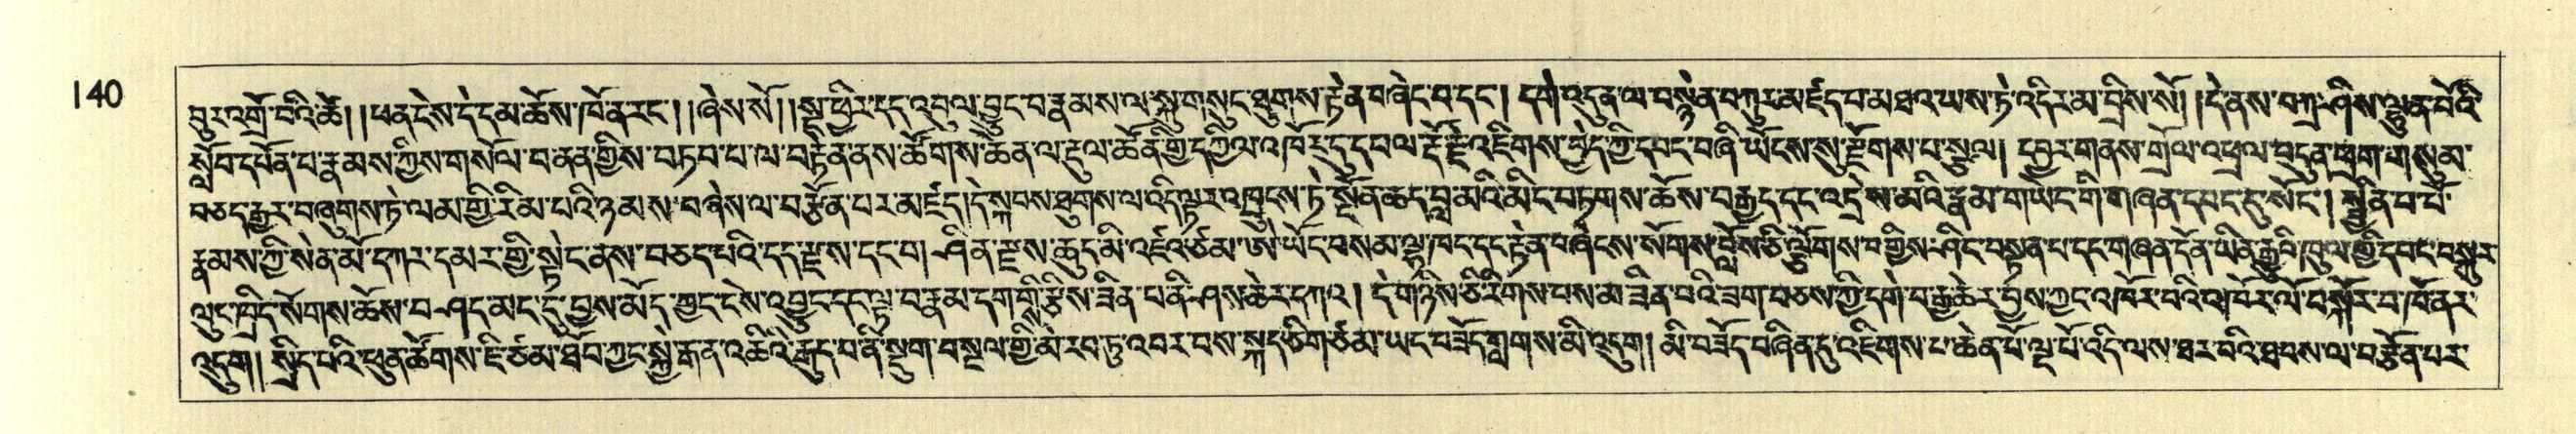བུར་འགྲོ་བའི་ཚེ། །ཕན་ངེས་དེ་དམ་ཆོས་ཁོ་ན་རང་། །ཞེས་སོ། །སྔ་ཕྱིར་དད་འབུལ་བྱུང་བ་རྣམས་ལ་སྐུ་གསུང་ཐུགས་རྟེན་བཞེང་བ་དང་། དགེ་འདུན་ལ་བསྙེན་བཀུར་མཛད་པ་མཐའ་ཡས་ཏེ་འདིར་མ་བྲིས་སོ། །དེ་ནས་བཀྲ་ཤིས་ལྷུན་བོའི་
སློབ་དཔོན་པ་རྣམས་ཀྱིས་གསོལ་བ་ནན་གྱིས་བཏབ་པ་ལ་བརྟེན་ནས་ཚོགས་ཆེན་ལ་རྡུལ་ཚོན་གྱི་དཀྱིལ་འཁོར་དུ་དཔལ་རྡོ་རྗེ་འཇིགས་བྱེད་ཀྱི་དབང་བཞི་ཡོངས་སུ་རྫོགས་པ་སྩལ། དབྱར་གནས་གྲོལ་འཕྲལ་བདུན་ཕྲག་གསུམ་
བཅད་རྒྱར་བཞུགས་ཏེ་ལམ་གྱི་རིམ་པའི་ཉམས་བཞེས་ལ་བརྩོན་པར་མཛད། དེ་སྐབས་ཐུགས་ལ་འདི་ལྟར་འཁྲུངས་ཏེ་སྔོན་ཆད་བླ་མའི་མིང་བཏགས་ཆོས་བརྒྱད་དང་འདྲེས་མའི་རྣམ་གཡེང་གི་གཞན་དབང་དུ་སོང་། སྦྱིན་བ་པོ་
རྣམས་ཀྱི་སེན་མོ་དཀར་དམར་གྱི་སྟེང་ནས་བཅད་པའི་དད་རྫས་དང་བ། ཤིན་རྫས་ཆུང་མི་འཛའ་ཙམ་ཨེ་ཡོང་བསམ་ལྷ་ཁང་དང་རྟེན་བཞེངས་སོགས་བློས་ཅི་ལྕོགས་བགྱིས་ཤིང་བསྟན་པ་དང་གཞན་དོན་ཡིན་རྒྱུའི་ཁུལ་གྱི་དབང་བསྐུར་
ལུང་ཁྲིད་སོགས་ཆོས་བཤད་མང་དུ་བྱས་མོད་ཀྱང་ངེས་འབྱུང་དང་ལྟ་བ་རྣམ་དག་གིས་རྩིས་ཟིན་པ་ནི་ཤས་ཆེར་དཀའ། དེ་གཉིས་ཅི་རིགས་བས་མ་ཟིན་པའི་ཟག་བཅས་ཀྱི་དགེ་བ་རྒྱ་ཆེར་བྱས་ཀྱང་འཁོར་བའི་འཁོར་ལོ་བསྐོར་བ་ཁོ་ནར་
འདུག། །སྲིད་པའི་ཕུན་ཚོགས་ཇི་ཙམ་ཐོབ་ཀྱང་སྐྱེ་རྒན་འཆིའི་རྒུད་བ་ནི་རྒུད་པ་ནི་སྡུག་བསྔལ་གྱི་མེ་རབ་ཏུ་འབར་བས་སྐད་ཅིག་ཙམ་ཡང་བཟོད་གླགས་མི་འདུག། མི་བཟོད་བཞིན་དུ་འཇིགས་པ་ཆེན་པོ་ལྔ་པོ་འདི་ལས་ཐར་བའི་ཐབས་ལ་བརྩོན་པར་